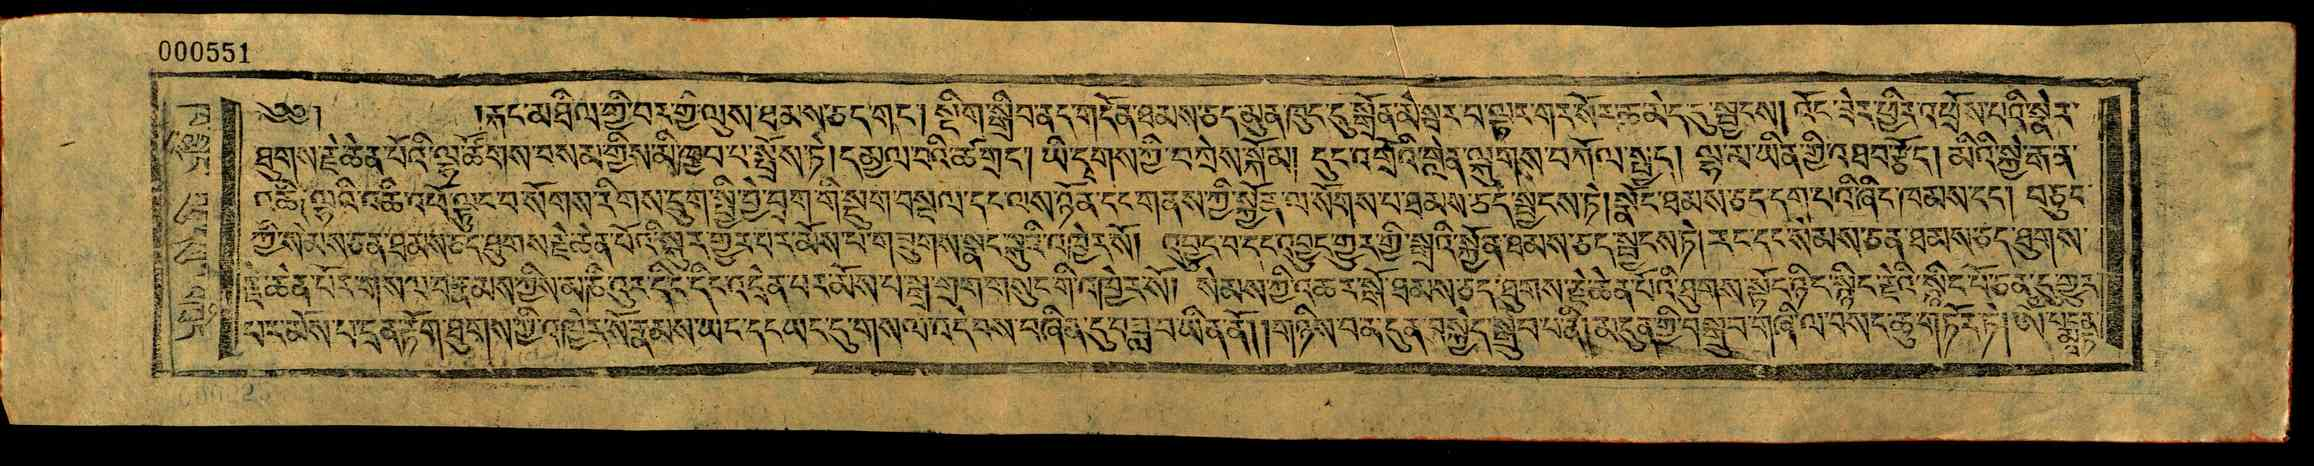༄༅། །རྐང་མཐིལ་གྱི་བར་གྱི་ལུས་ཐམས་ཅད་གང་། སྡིག་སྒྲིབ་ནད་གདོན་ཐམས་ཅད་མུན་ཁུང་དུ་སྒྲོན་མེ་སྦར་བ་ལྟར་གར་སོང་ཆ་མེད་དུ་སྤྱངས། འོད་ཟེར་ཕྱིར་འཕྲོས་པའི་སྣེར་
ཐུགས་རྗེ་ཆེན་པོའི་ལྷ་ཚོགས་བསམ་གྱིས་མི་ཁྱབ་པ་སྤྲོས་ཏེ། དམྱལ་བའི་ཚ་གྲང་། ཡི་དྭགས་ཀྱི་བཀྲེས་སྐོམ། དུང་འགྲོའི་གླེན་ལྐུགས་བཀོལ་སྤྱོད། ལྷ་མ་ཡིན་གྱི་འཐབ་རྩོད། མིའི་སྐྱེ་རྒ་ན་
འཆི༑ ལྟའི་འཆི་འཕོ་ལྟུང་བ་སོགས་རིགས་དྲུག་སྤྱི་བྱེ་བྲག་གི་སྡུག་བསྔལ་དང་ལས་ཉོན་དང་གནས་ཀྱི་སྐྱོན་ལ་སོགས་པ་ཐམས་ཅད་སྦྱངས་ཏེ། སྣོད་ཐམས་ཅད་དག་པའི་ཞིང་ཁམས་དང་། བཅུད་
ཀྱི་སེམས་ཅན་ཐམས་ཅད་ཐུགས་རྗེ་ཆེན་པོའི་སྐུར་གྱུར་པར་མོས་པ་གཟུགས་སྣང་སྐུའི་འཁྱེར་སོ། འབྱུང་བ་དང་འབྱུང་གྱུར་གྱི་སྒྲའི་སྐྱོན་ཐམས་ཅད་སྦྱངས་ཏེ། རང་དང་སེམས་ཅན་ཐམས་ཅད་ཐུགས་
རྗེ་ཆེན་པོར་གསལ་བ་རྣམས་ཀྱིས་མ་ཎི་འུར་དིང་དིང་འདྲེན་པར་མོས་པ་སྒྲ་གྲག་གསུང་གི་འཁྱེར་སོ། སེམས་ཀྱི་འཆར་སྒོ་ཐམས་ཅད་ཐུགས་རྗེ་ཆེན་པོའི་ཐུགས་སྟོང་ཉིང་སྙིང་རྗེའི་སྙིང་པོ་ཅན་དུ་གྱུར་
པར་མོས་པ་དྲན་རྟོག་ཐུགས་ཀྱི་འཁྱེར་སོ་རྣམས་ཡང་དང་ཡང་དུ་གསལ་འདེབས་བཞིན་དུ་བཟླ་བ་ཡིན་ནོ། །གཉིས་པ་མདུན་བསྐྱེད་སྒྲུབ་པ་ནི། མདུན་གྱི་བསྒྲུབ་གཞི་ལ་བསང་ཆུ་གཏོར་ཏེ། ཨོཾ་པདམན་